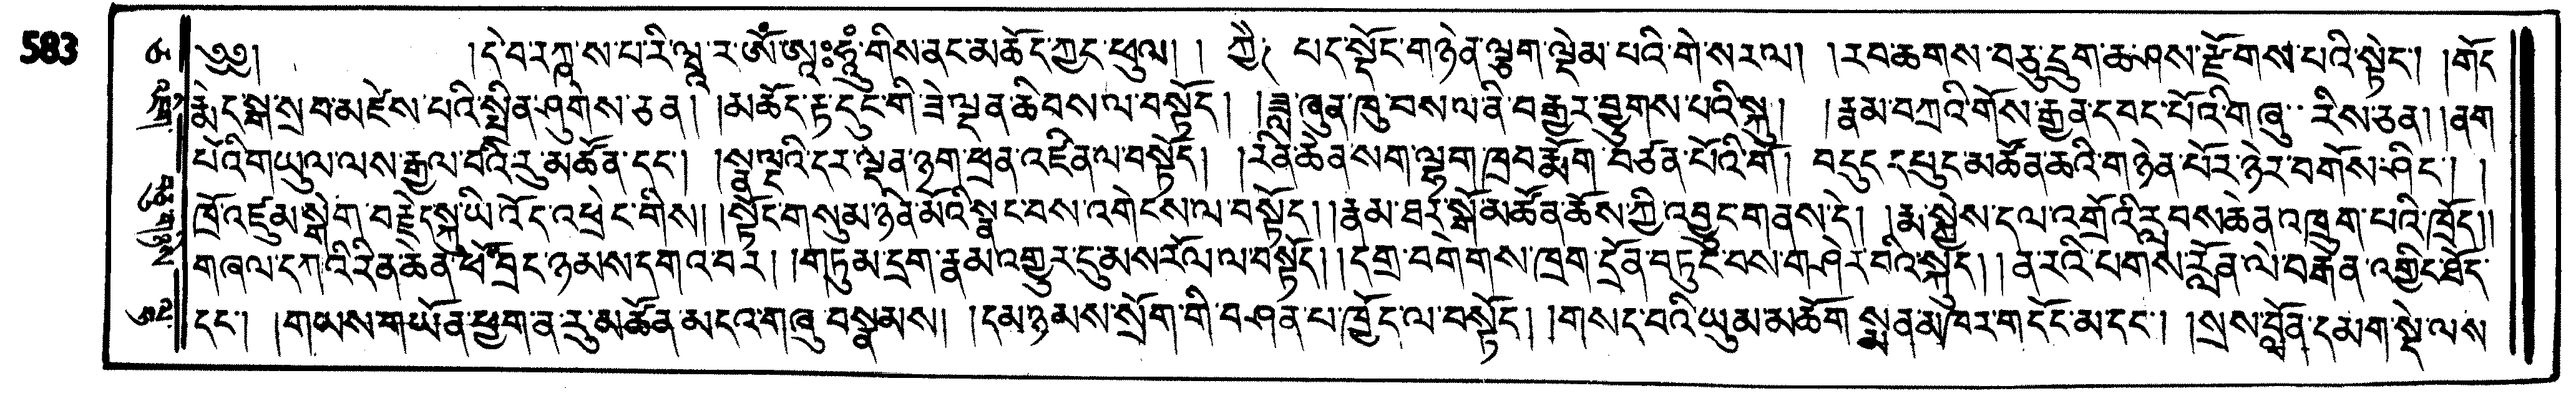༄༅། །དེ་བ་རཀྵ་ས་པ་རི་ཝཱ་ར་ཨོཾ་ཨའཿཧཱུཾ་གིས་ནང་མཆོད་ཀྱང་ཕུལ། ཀྱཻ༑ པད་སྡོང་གཉེན་ལྕག་ལྡེམ་པའི་གེ་སར་ལ། །རབ་ཆགས་བཅུ་དྲུག་ཆ་ཤས་རྫོགས་པའི་སྟེང་། །གོང་
རྨེད་སྒ་སྲབ་མཛེས་པའི་སྤྲིན་ཤུགས་ཅན། །མཆོད་རྟེ་དུང་གི་ཟེ་ལྡན་ཆིབས་ལ་བསྟོད། །ཟླ་ཞུན་ཁུ་བསལ་ནི་བརྒྱར་བྱུགས་པའི་སྐུ། །རྣམ་བཀྲའི་གོས་རྒྱན་དབང་པོའི་གཞུ་་་རིས་ཅན། །ནག་
པོའི་གཡུལ་ལས་རྒྱལ་བའི་རུ་མཚོན་དང་། །སྣ་ལྔའི་དར་ལྡན་ཉག་ཕྲན་འཛིན་ལ་བསྟོད། །རིན་ཆེན་སག་ལྷག་ཁྲབ་རྨོག་བཙན་པོའི་གོ། བདུད་དཔུང་མཚོན་ཆའི་གཉེན་པོར་ཉེར་བགོས་ཤིང་། །
ཁྲོ་འཛུམ་སྒེག་བརྗེད་སྐུ་ཡི་འོད་འཕྲེང་གིས། །སྟོང་གསུམ་ཉིན་མོའི་སྣང་བས་འགེངས་ལ་བསྟོད། །རྣམ་ཐར་སྒོ་མཚོན་ཆོས་ཀྱི་འབྱུང་གནས་དེ། །རྨ་སྐྱེས་དལ་འགྲོའི་རླབས་ཆེན་འཁྲུག་པའི་ཁྲོད། །
གཞལ་དཀའི་རིན་ཆེན་ཕོ་བྲང་ཉམས་དགའ་བར། །གཏུམ་དྲག་རྣམ་འགྱུར་དུ་མས་རོལ་ལ་བསྟོད། །དགྲ་བགེགས་ཁྲག་དྲོན་བཏུང་བས་གཤེར་བའི་སྐུད། །ན་རའི་པགས་རློན་ལེ་བརྒན་འགྱིང་ཐོད་
དང་། །གཡས་གཡོན་ཕྱག་ན་རུ་མཚོན་མངའ་ཞུ་བསྣམས། །དམ་ཉམས་སྲོག་གི་བཤན་པ་ཁྱོད་ལ་བསྟོད། །གསང་བའི་ཡུམ་མཆོག་སྨན་མཁར་གདོང་མ་དང་། །སྲས་བློན་དམག་སྡེ་ལས་